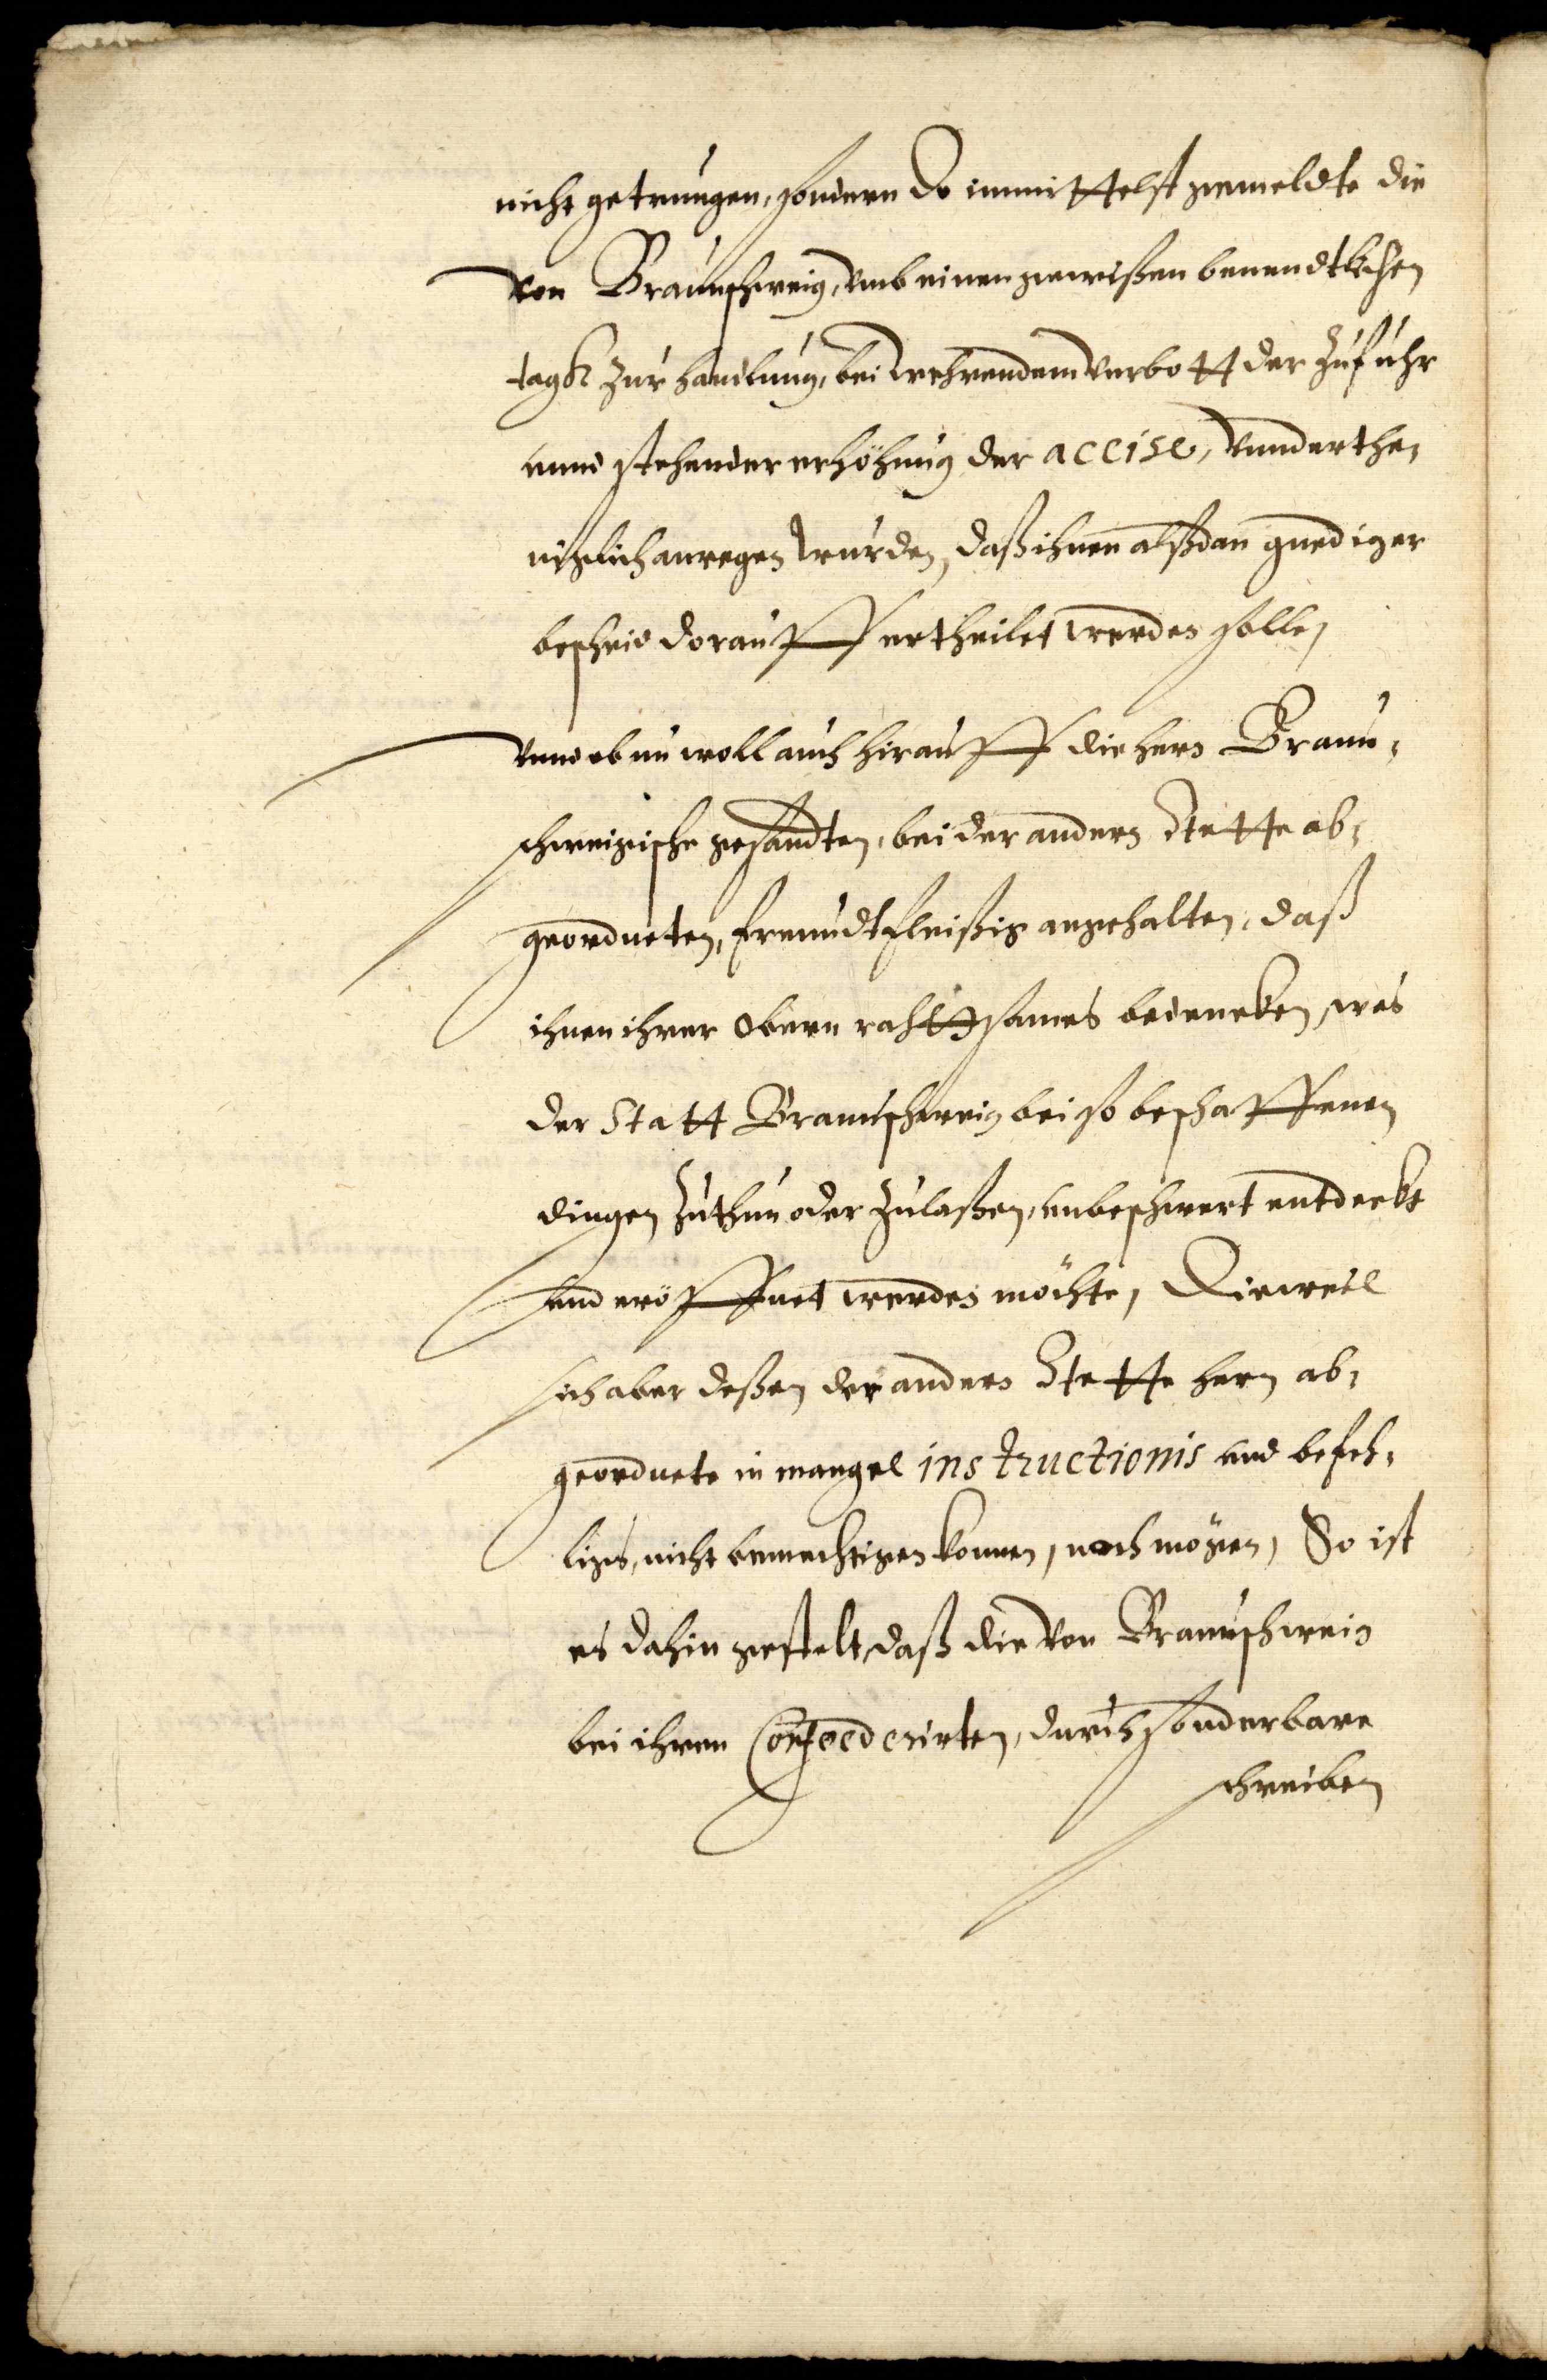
nicht getrungen, sondern Da inmittelst gemeldte die
von Braunschweig, vmb einen gewißen benendtlichen
tagk zur handlung, bei wehrendem verbott der zufuhr
vnnd stehender erhöhung der accise, vnnderthe¬
niglich anregen wurden, daß ihnen alßdan gnediger
bescheid dorauff ertheilet werden solle,
vnnd ob nu woll auch hirauff die hern Braun¬
schweigische gesandten, bei der andern Stette ab¬
geordneten, freundtfleißig angehalten, daß
ihnen ihrer obern rahtssames bedencken, was
der Statt Braunschweig bei so beschaffenen
dingen zuthun oder zulaßen, vnbeschwert entdeckt
vnd eröffnet werden möchte, Dieweil
sich aber deßen der andern Stette hern ab¬
geordnete in mangel instructionis vnd befeh¬
ligs, nicht bemechtigen konnen, noch mögen, So ist
es dahin gestelt, daß die von Braunschweig
bei ihren Confoederirten, durch sonderbare
schreiben
